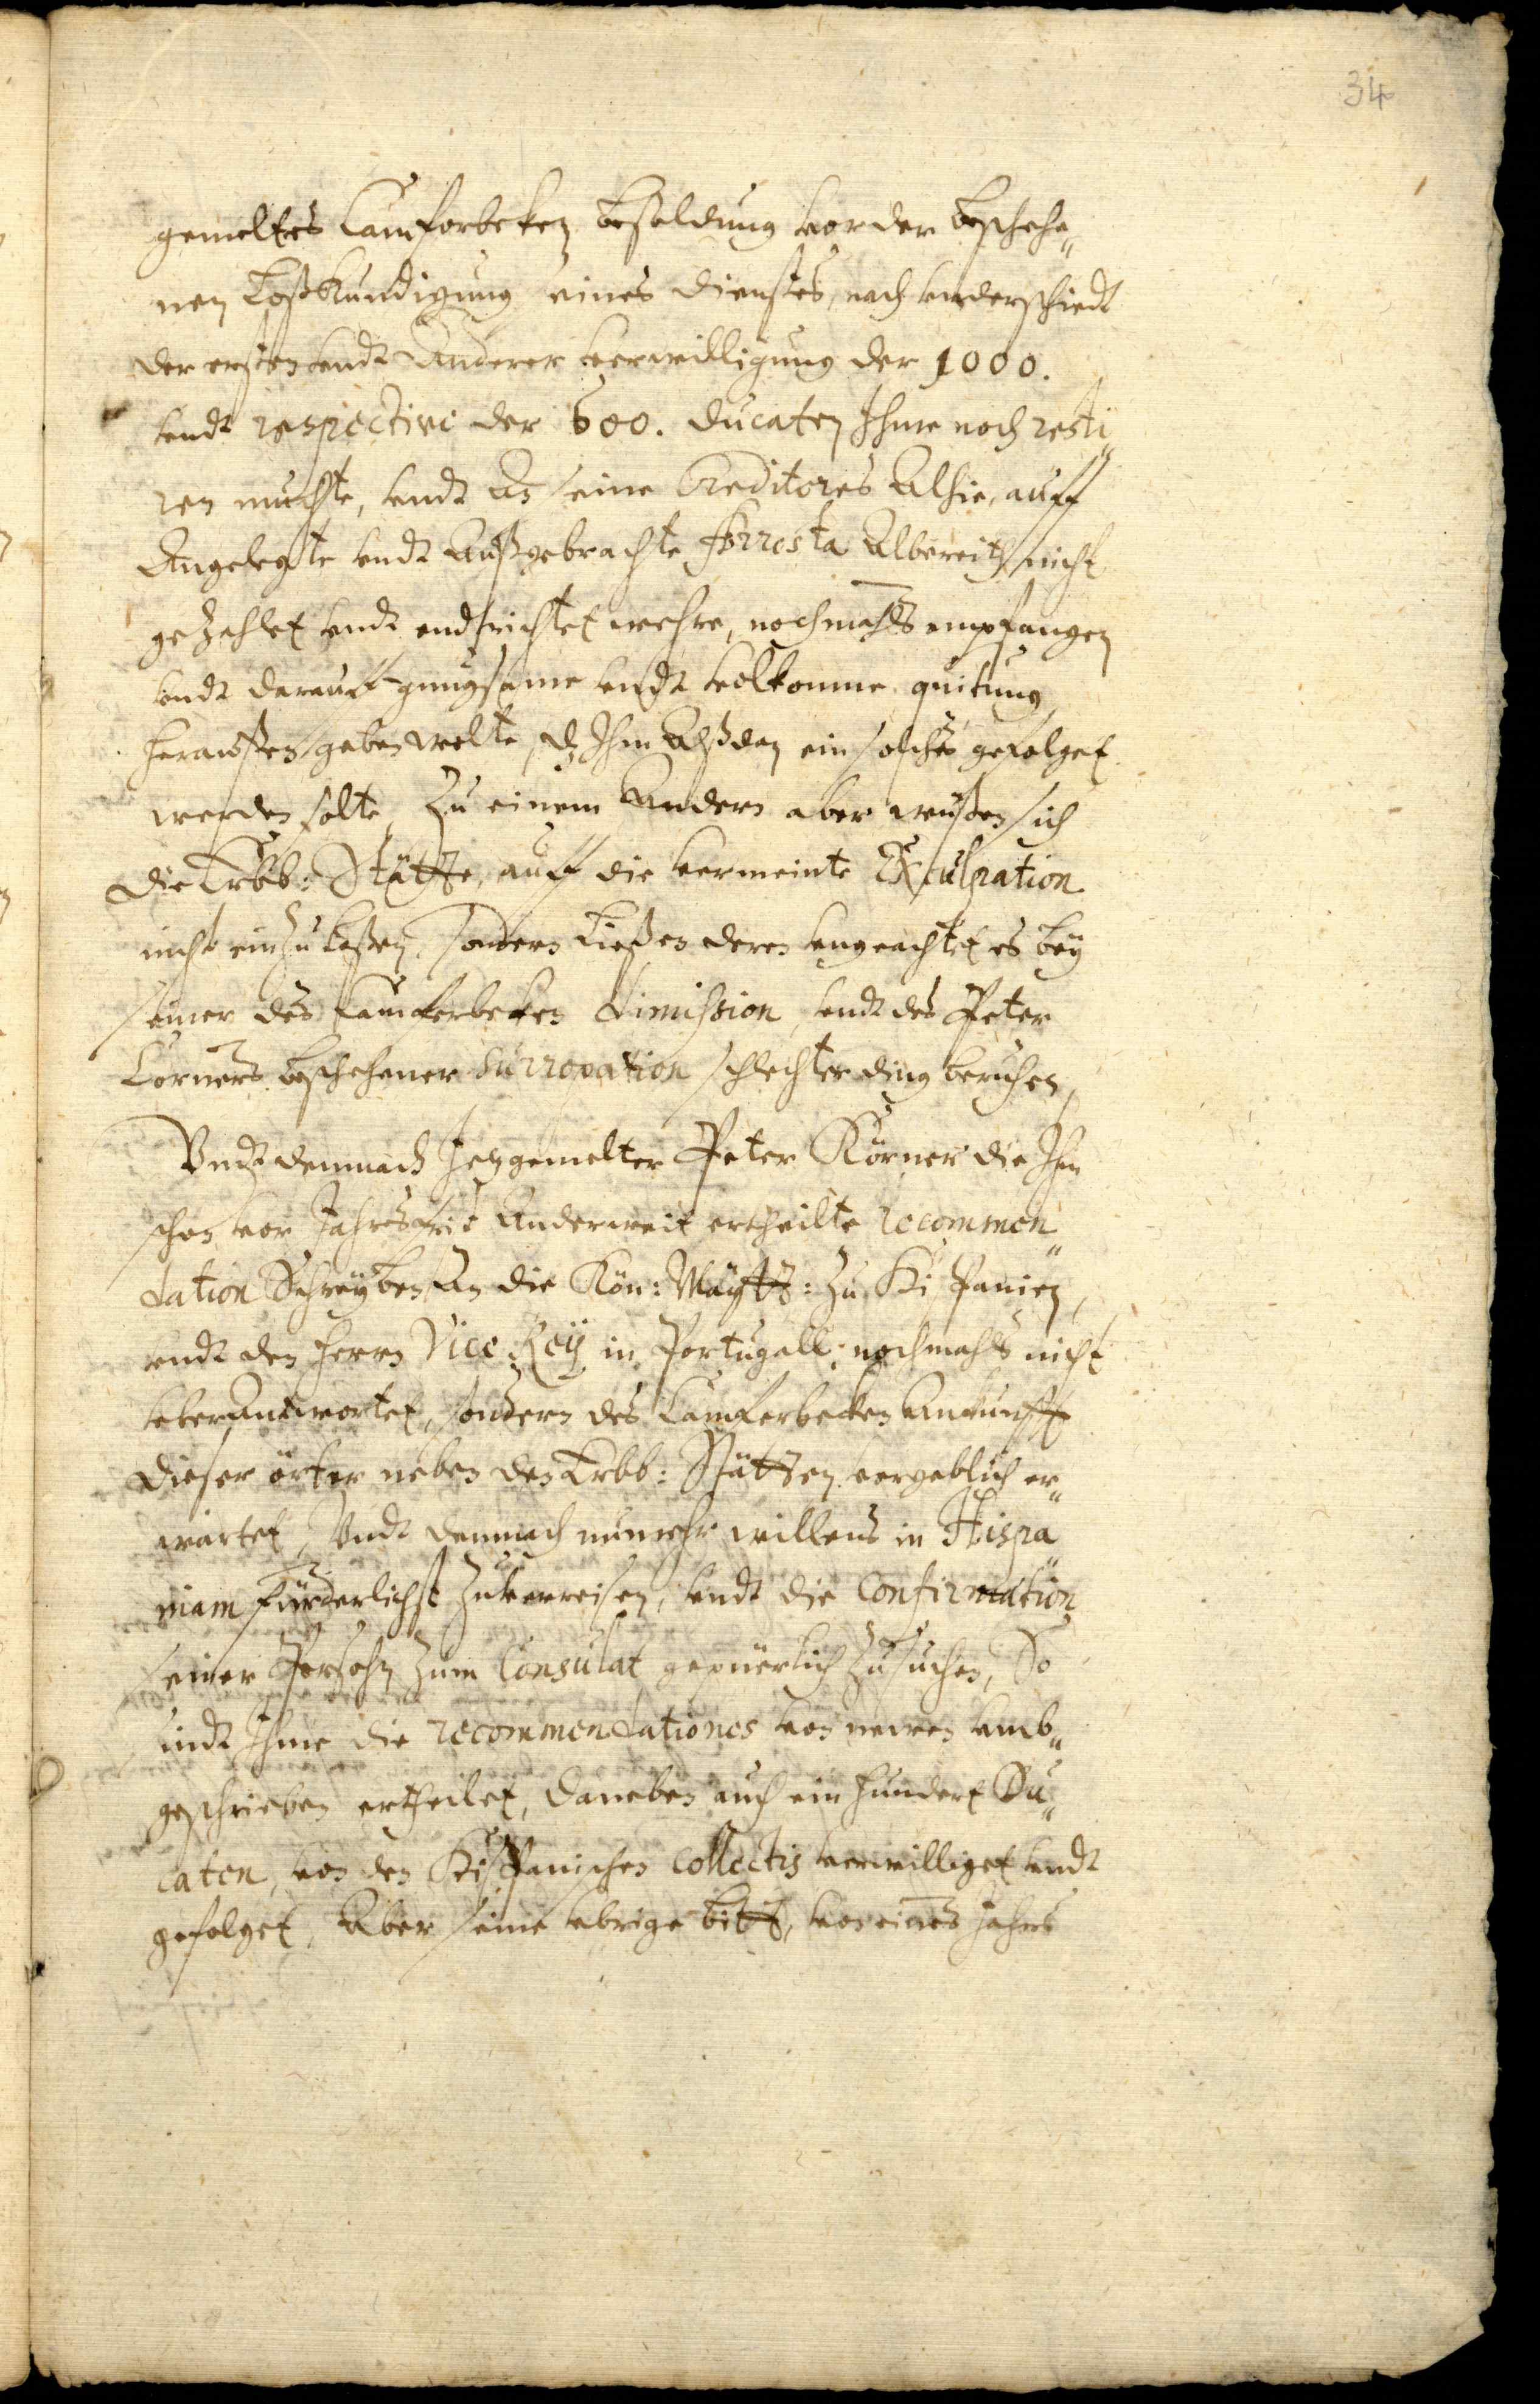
gemeltes Camforbeken besoldung vor der beschehe¬
nen loßkundigung eines dienstes nach vnderschiedt
der ersten vndt anderer verwilligung der 1000.
vndt respective der 600. ducaten Ihme noch resti¬
ren muchte, vndt an seine Creditores alhie, auff
angelegte vndt außgebrachte Arresta albereith nicht
gezahlet vndt endtrichtet wehre, nochmahls empfangen
vndt darauff gnugsame vndt volkomne quitung
heraußen geben wolte den Ihm alßdan ein solches gefolget
werden solte zu einem andern aber wusten sich
die Erbb: Stätte auff die vermeinte Exculpation
nicht einzulaßen, sondern ließen deren vngeachtet es beij
seiner des Camferbeken dimission vndt des Peter
Corners beschehener surrobation schlechterding beruhn,
Vndt demnach jetzgemelter Peter Körner die Ihm
schon vor jahrsfrist anderweit ertheilte recommen¬
dation Schreijben an die Kön: Maijtt: Zu Hispanien,
vundt den herrn Vice Roij in Portugall; nochmals nicht
vberantwortet, sondern des Camferbecken ankunfft
dieser örter neben den Erbb: Stätten vergeblich er¬
wartet, Vndt demnach numehr willens in Hispa¬
niam fürderlichst zuverreisen, vndt die confirmation
seiner Persohn zum Consulat gepüerlich zusuchen, So
sindt Ihme die recommendationes von newen umb¬
geschrieben ertheilet, daneben auch ein hundert Du¬
caten, von den Hispanischen collectis verwilliget vndt
gefolget, Aber seine vbrige bitt, von eines Jahrs
